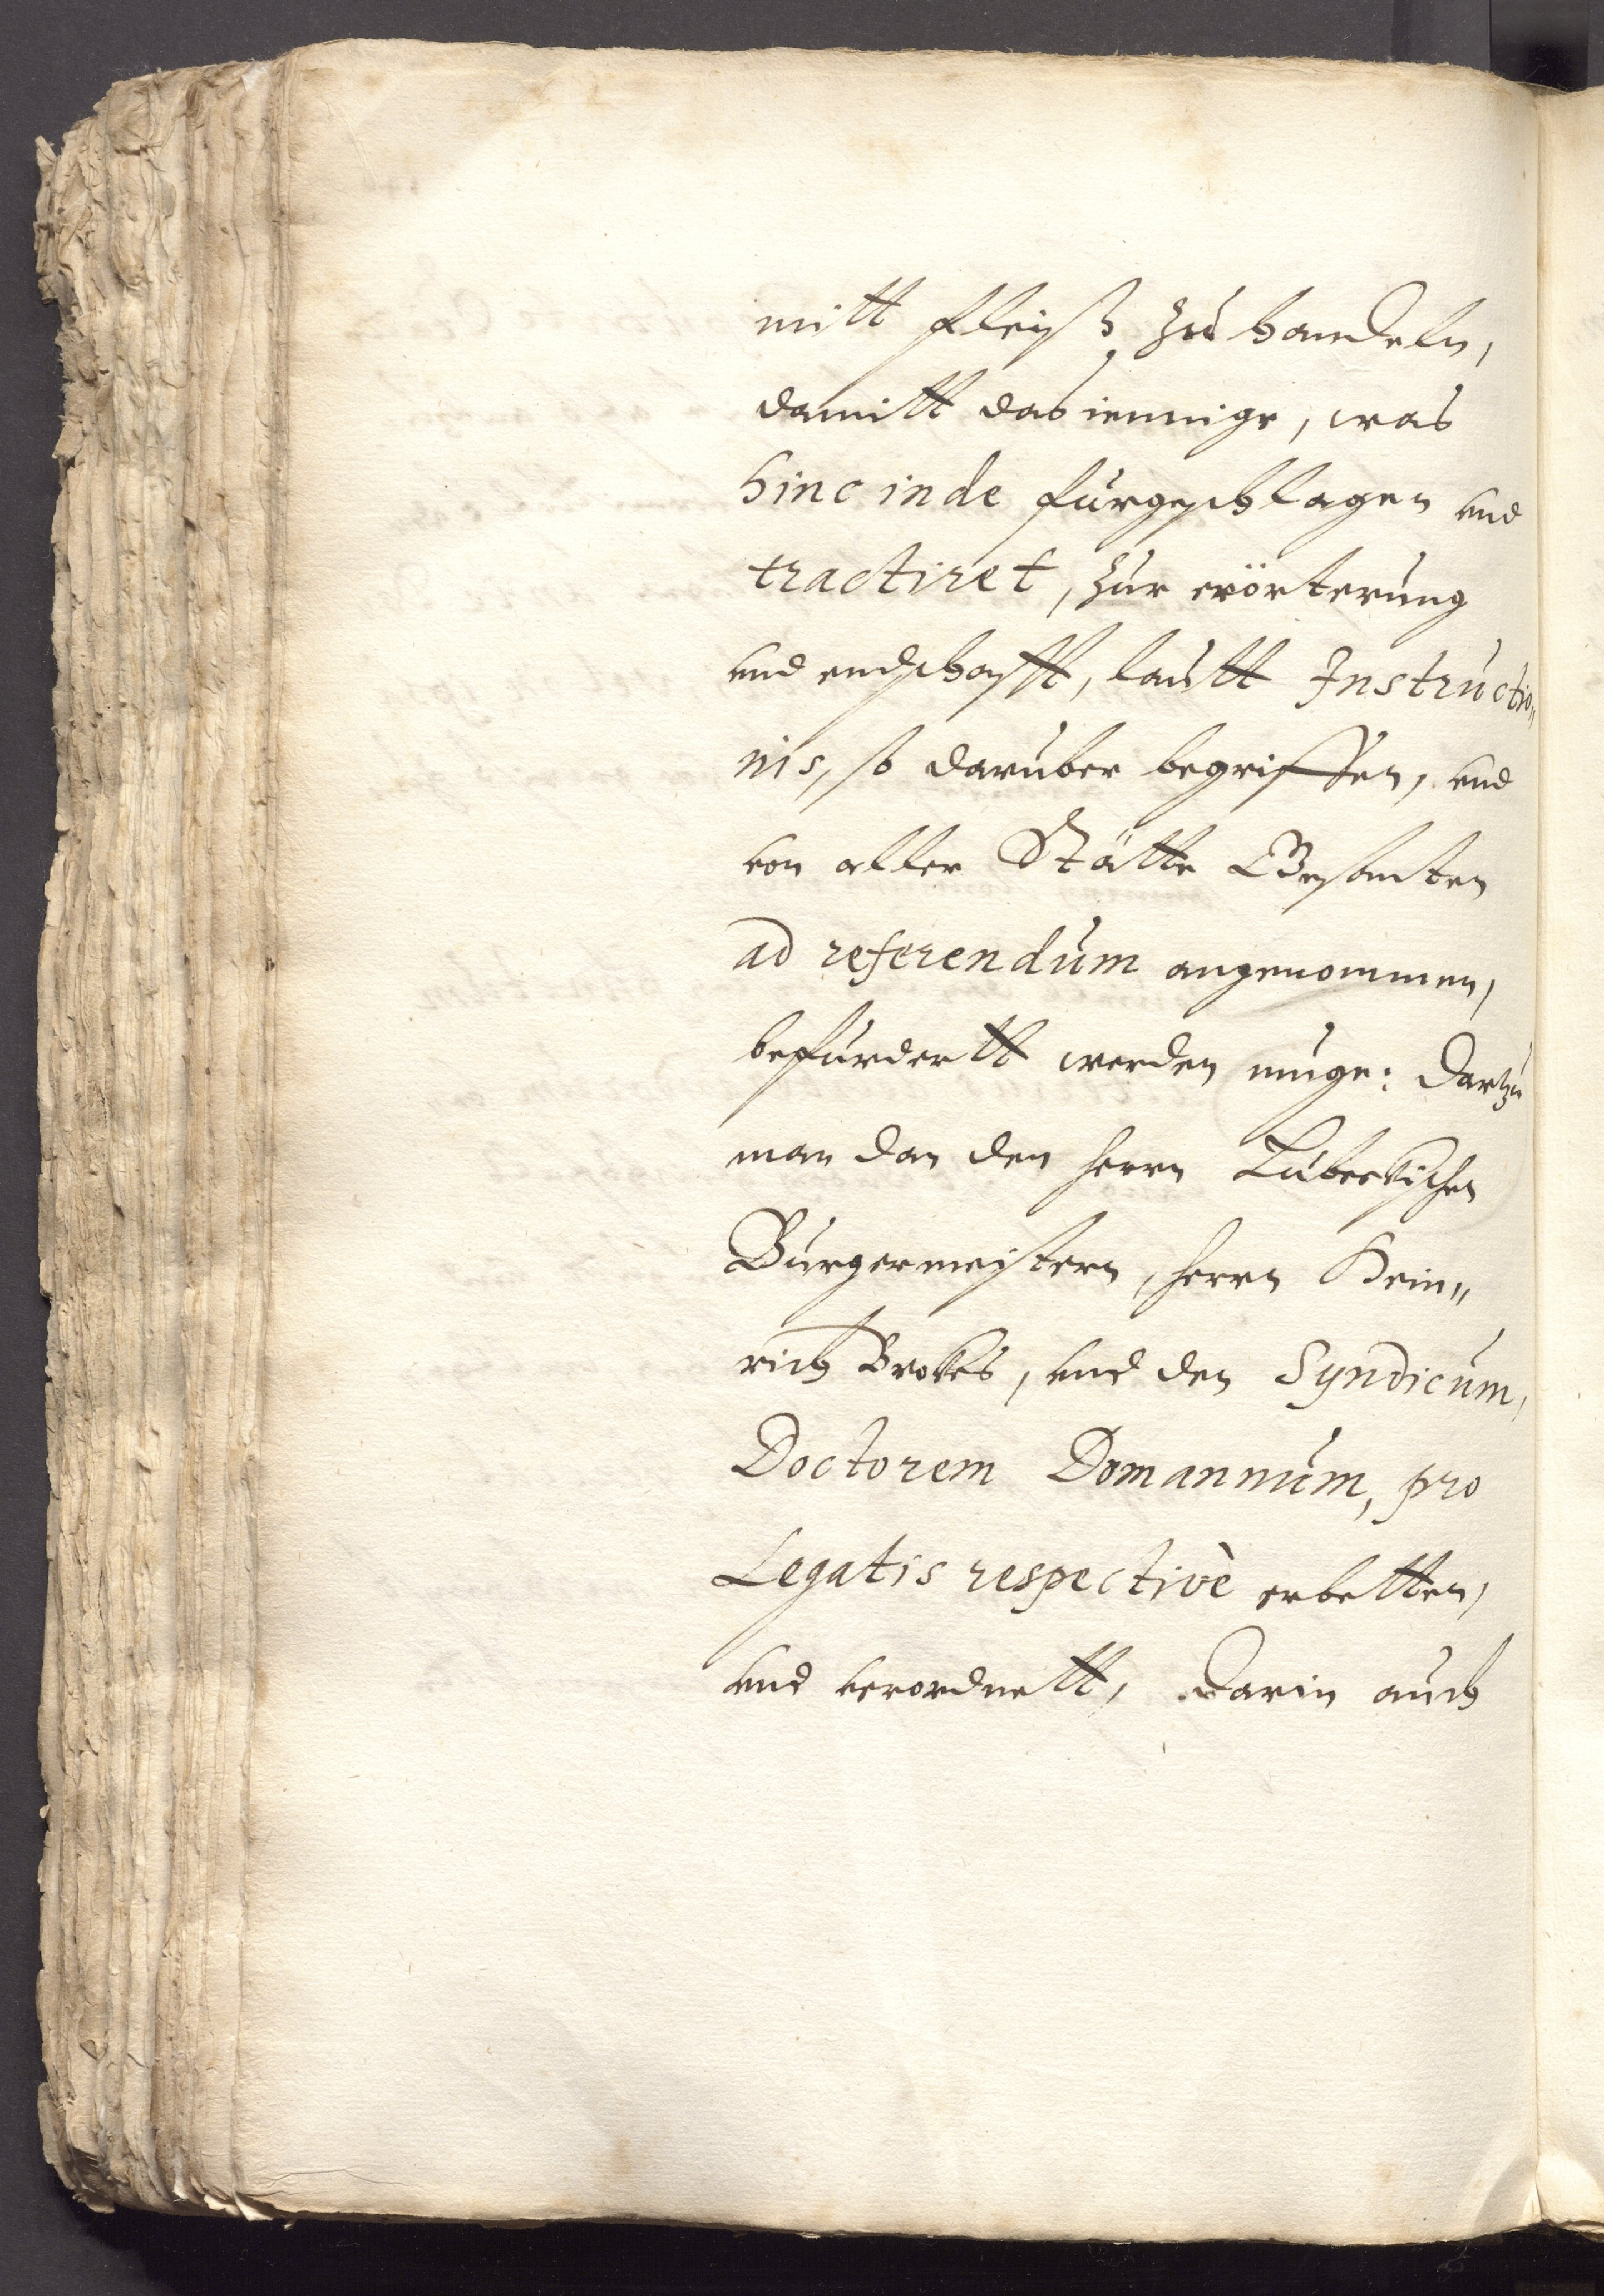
mitt fleiß zu handeln,
damitt das iennige, was
hinc inde furgeschlagen vnd
tractiret, zur erötrerung
vnd endschaft, lautt Jnstructio¬
nis, so daruber begriffen, vnd
von aller Stätte Gesanten
ad referendum angenommen,
befurdertt werden muge: Darztu
man dan den herrn Lubeckischen
Burgermeistern, herrn Hein¬
rich Brokes, vnd den Syndicum,
Doctorem Domannum, pro
Legatis respective erbetten,
vnd verordnett, darin auch
